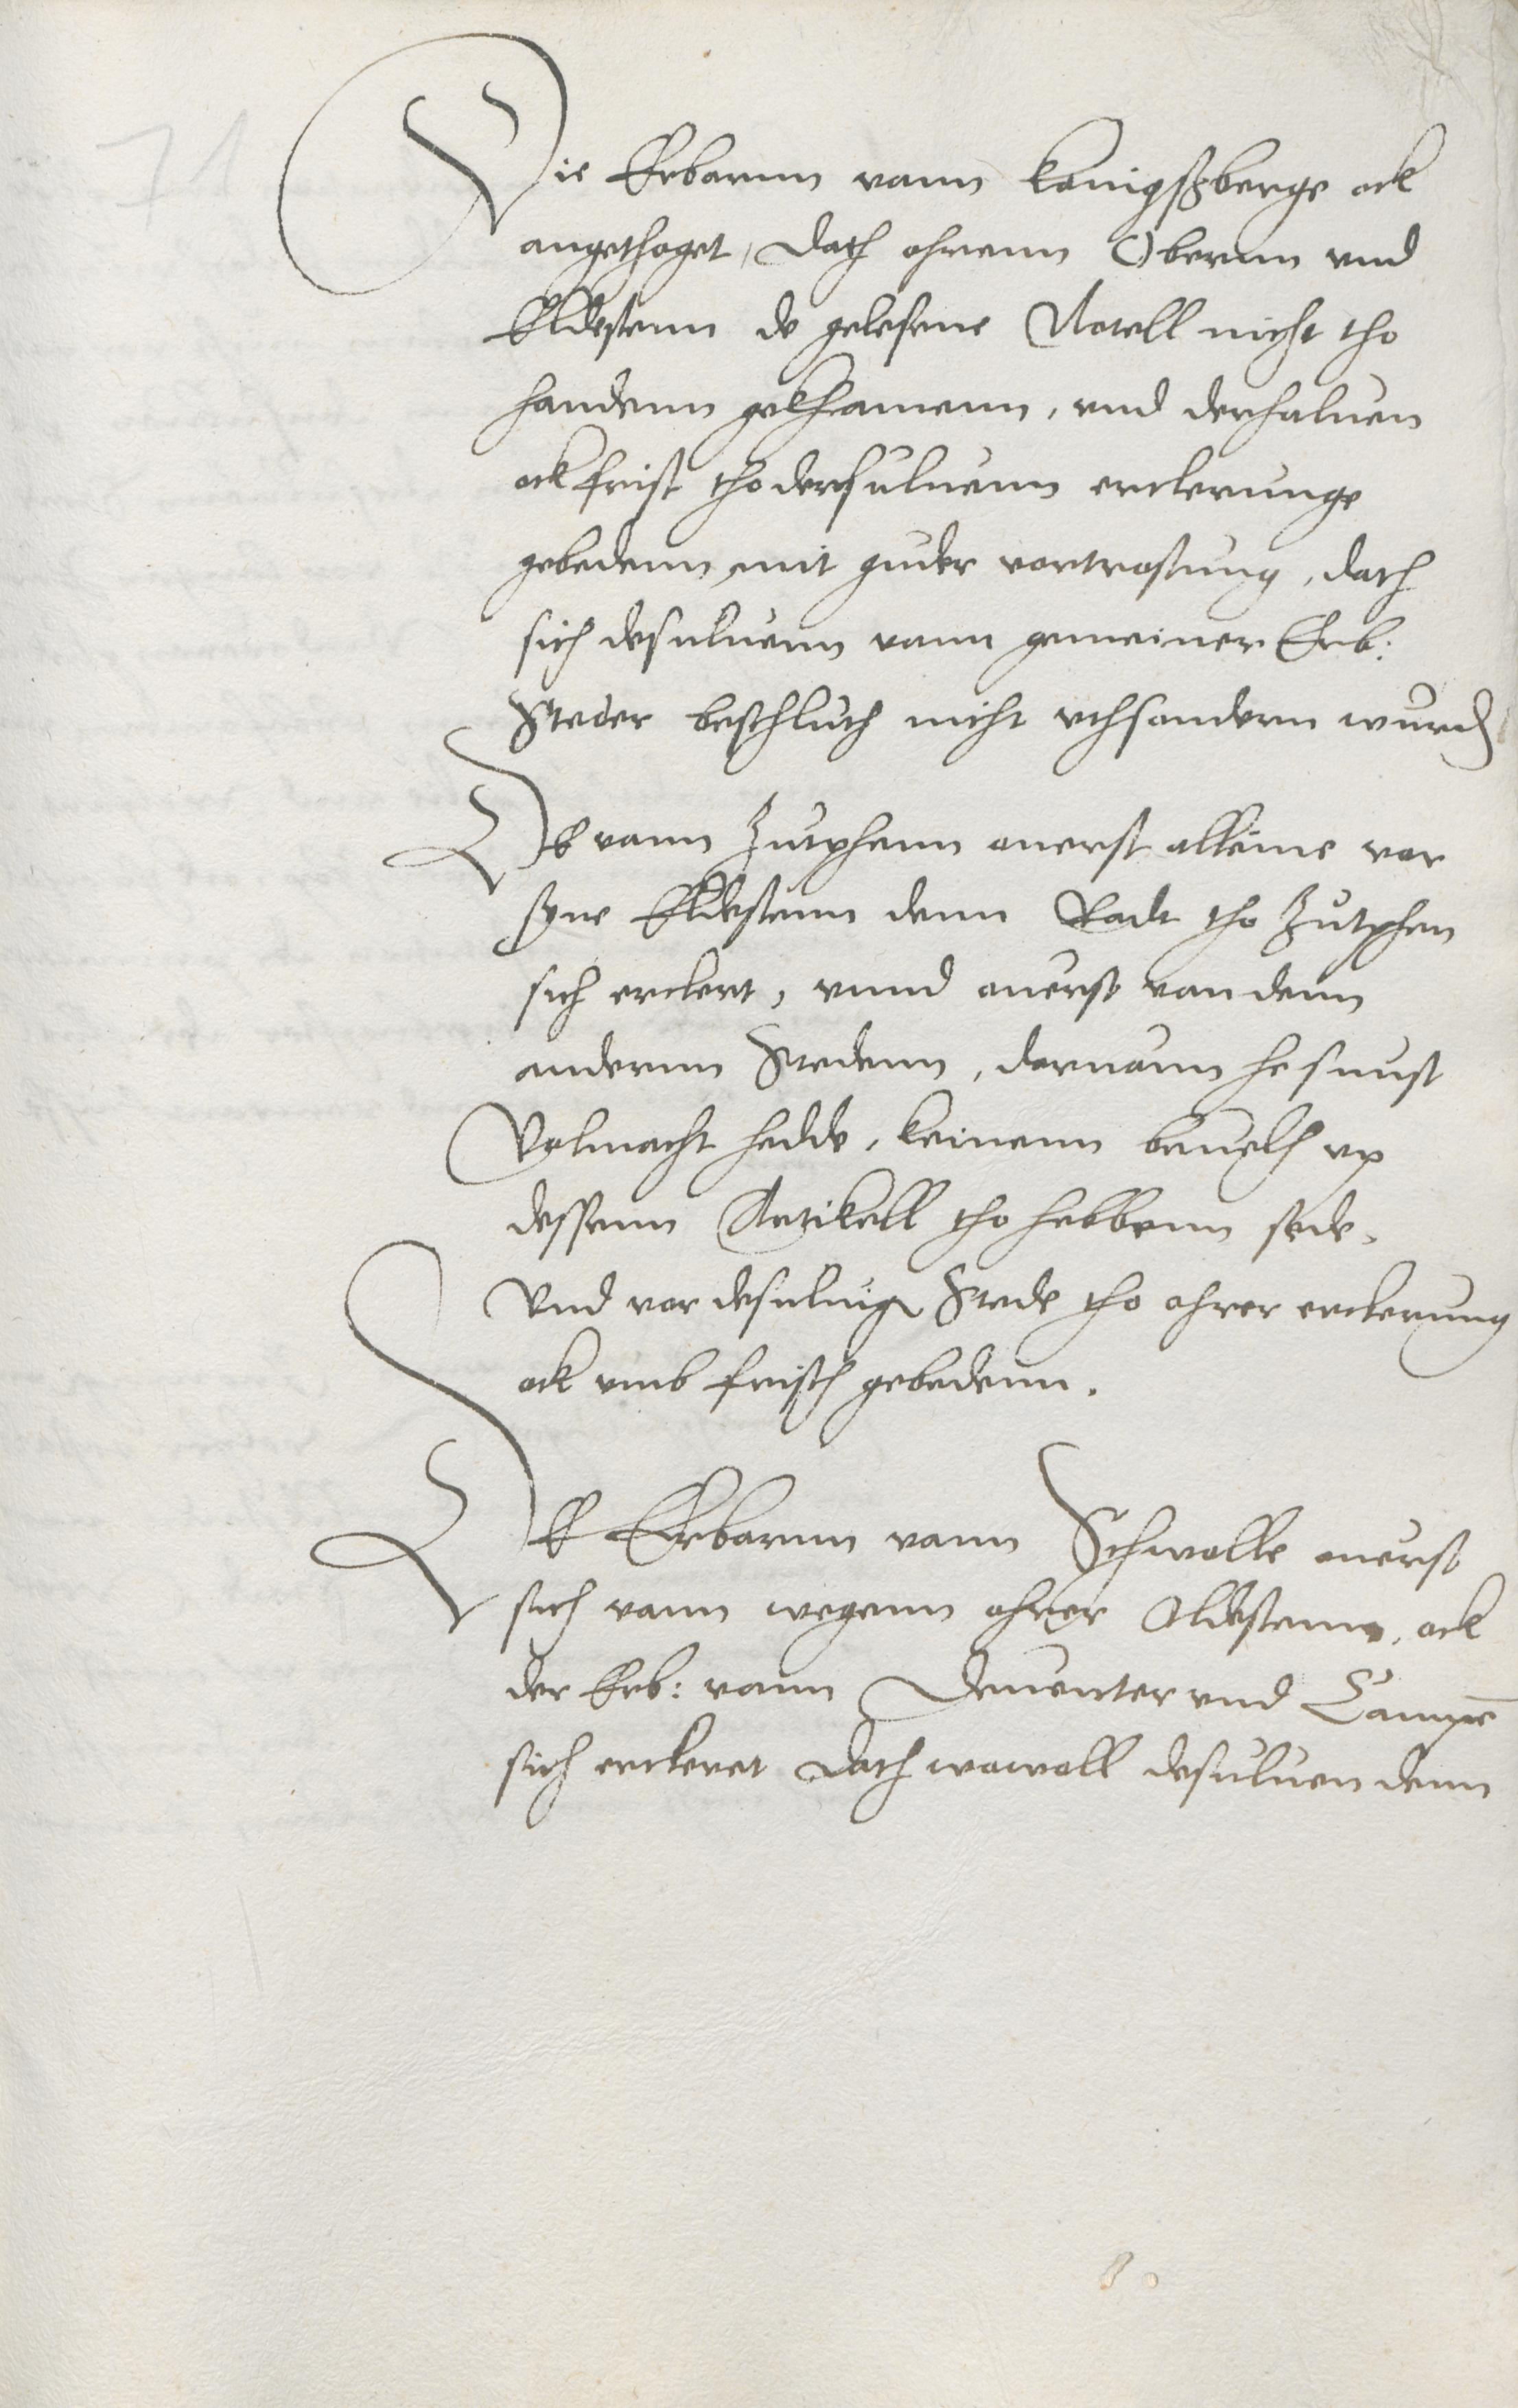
Die Erbarnn vann Konigßberge ock
angethoget, Dath ohrenn Obernn vnd
Eldestenn de gelesene Notell nicht tho
handenn gekhamenn, vnd derhaluen
ock frist tho dersuluenn erclerunge
gebedenn mit guder vortrostung, dath
sich desuluenn vann gemeiner Erb:
Steder beschluth nicht vthsondern wurden
DE vann Zutphenn ouerst alleine vor
syne Eldestenn denn Radt tho Zutphen
sich erclert, vnnd ouerst van denn
andernn Stedenn, daruann he sunst
Volmacht hedde, keinenn beuelh vp
dessenn Artikell tho hebbenn seide,
Vnd vor desuluigen Stede tho ohrer erclerung
ock vmb fristh gebedenn.
DE Erbarnn vann Schwolle ouerst
sich vann wegenn ohrer Oldestenn, ock
der Erb: vann Deuenter vnd Campen
sich ercleret Dath wowoll desuluen denn
